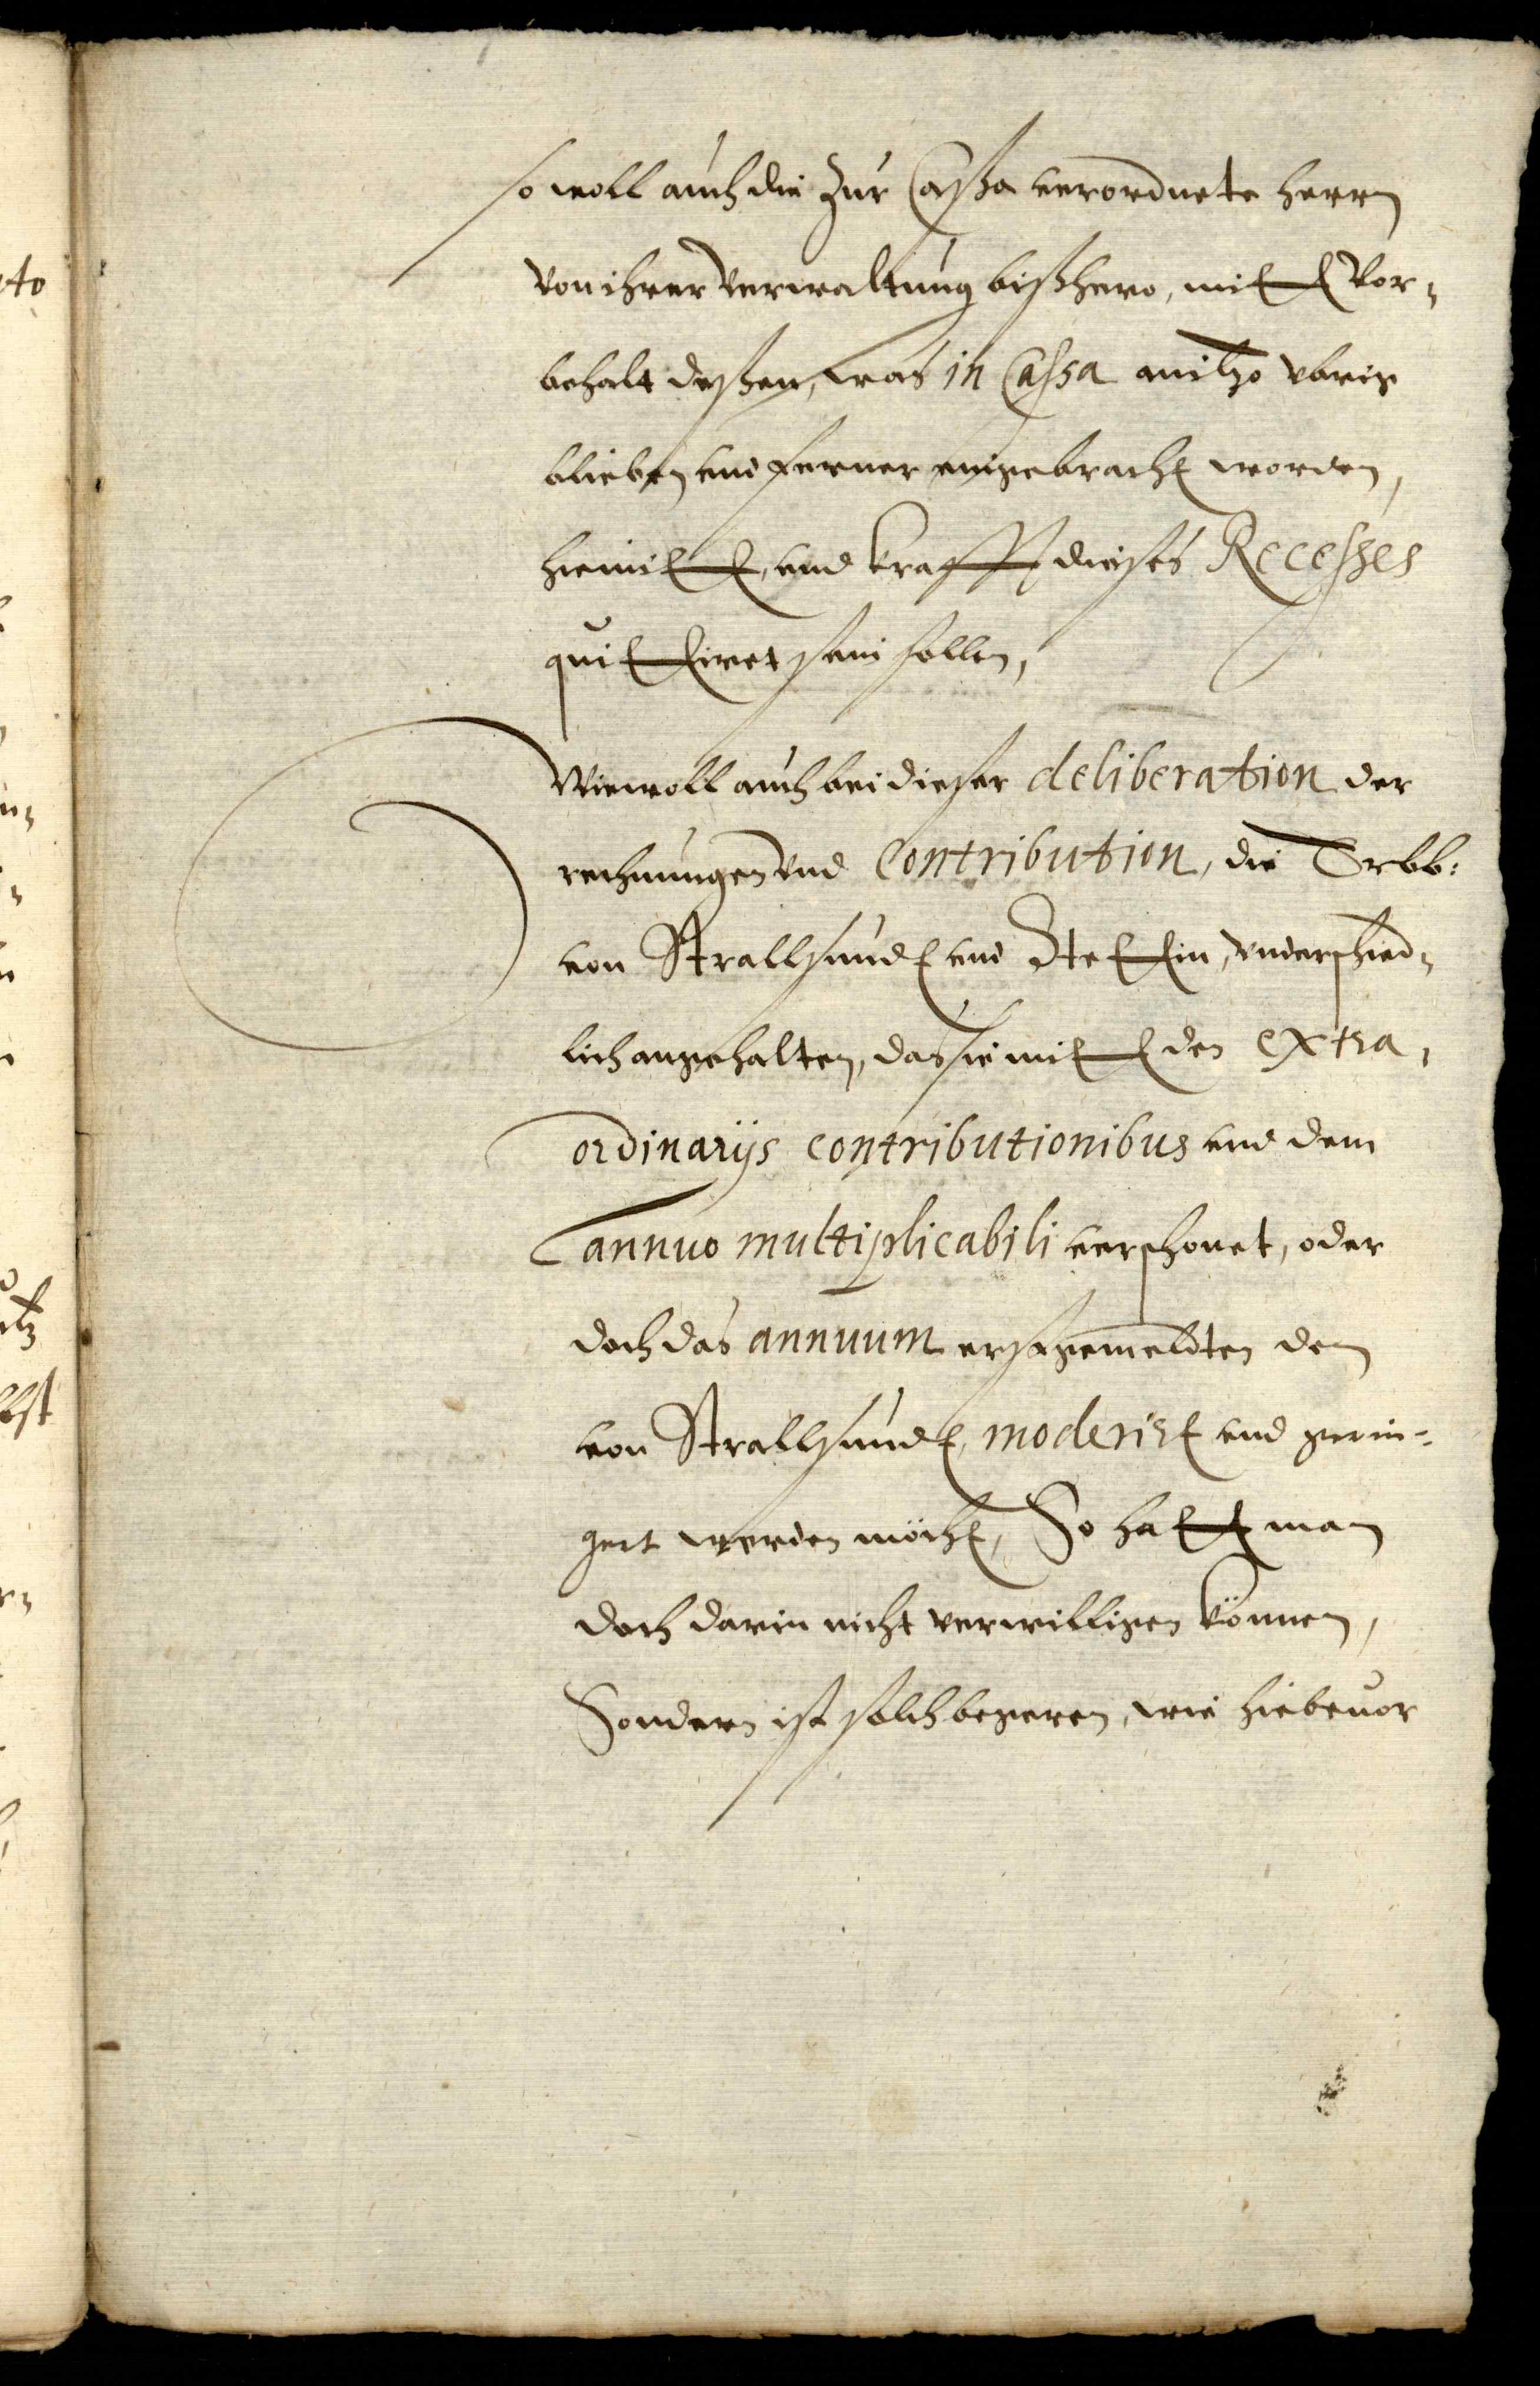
so wohl auch die zur Caßa verordnete herrn
von ihrer verwaltung bißhero, mitt vor¬
behalt deßen, was in Cassa anitzo vbrig
blieben vnd ferner eingebracht worden,
hirmitt, vnd krafft dieses Recesses
quittiret sein sollen,
Wiewoll auch bei dieser deliberation der
rechnungen Vnd contribution, die Erbb:
von Strallsundt vnd Stettin, vnderschied¬
lich angehalten, das sie mitt den extra¬
ordinarijs contributionibus vnd dem
annuo multiplicabili verschonet, oder
doch das annuum erstgemeldten den
von Strallsundt, moderirt vnd gerin¬
gert werden möchte, So hatt man
doch darin nicht verwilligen können,
Sondern ist solch begeren, wie hiebeuor
